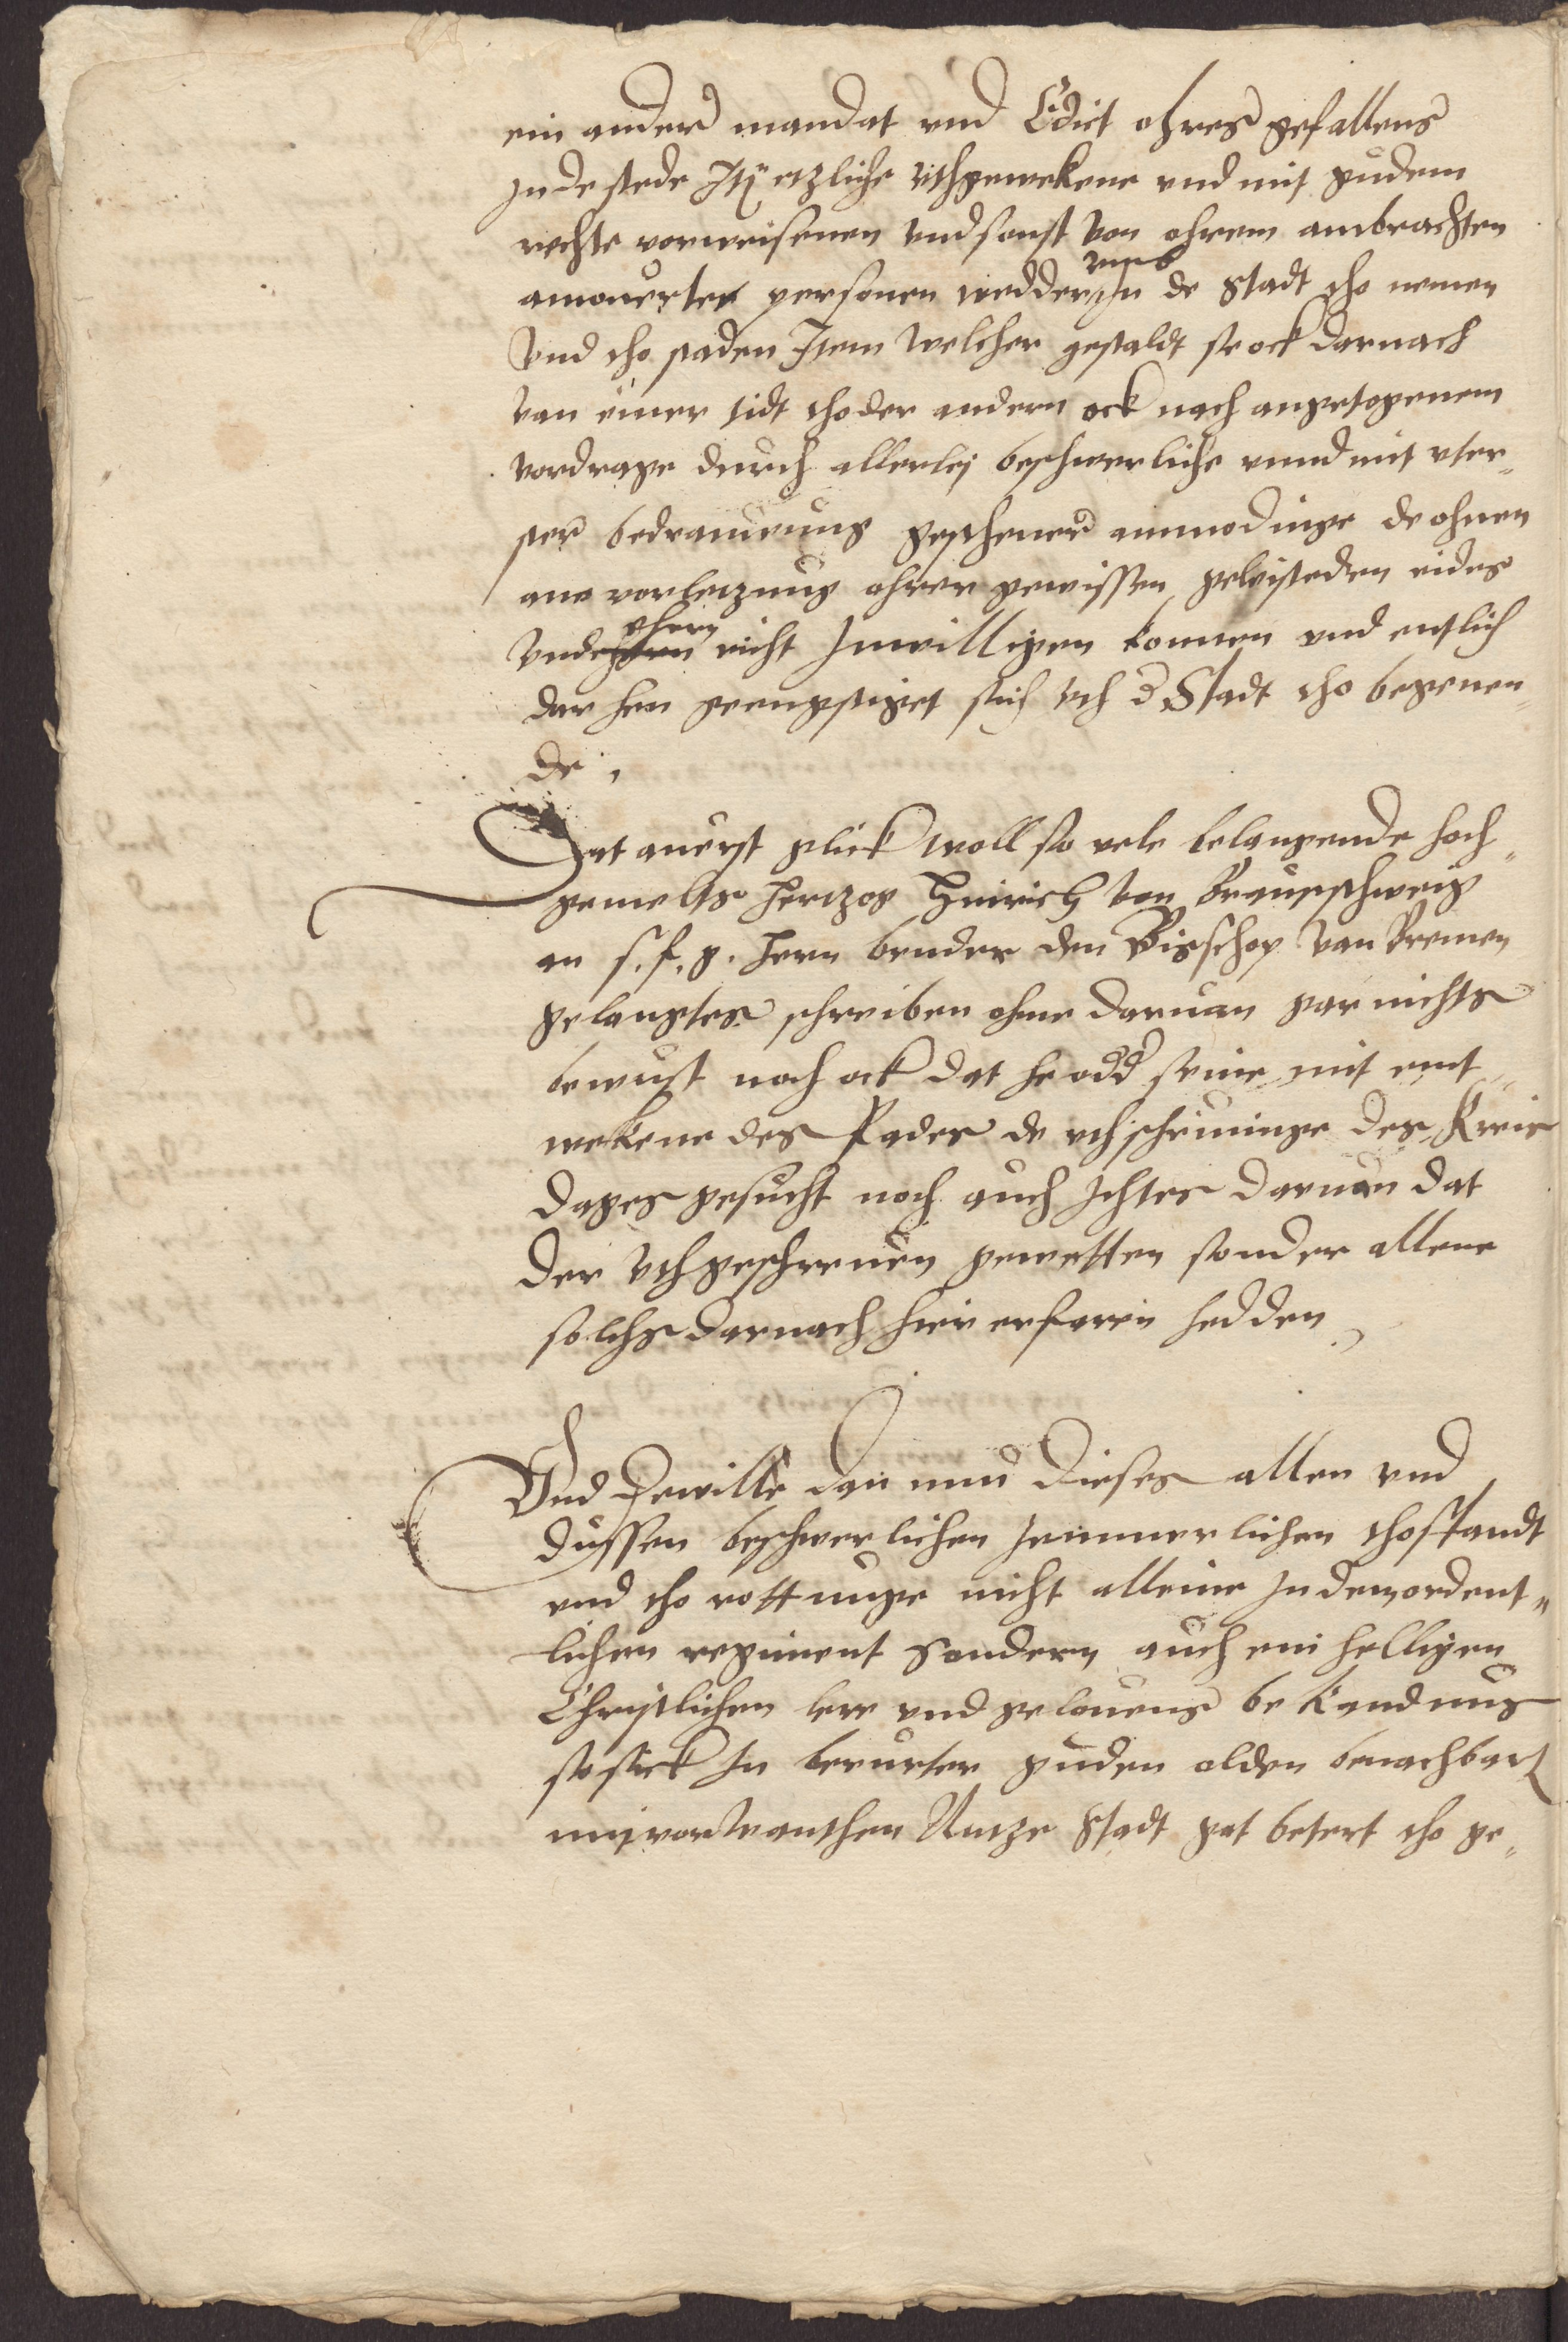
ein anderen mandat vnd Edict ohres gefallens
in de stede Item etzliche vthgewekene vnd mit gudem
rechte vorweisenen vnd sonst von ohrem ambrachten
vmb
amouerter personen wedder " in de Stadt tho nemen
vnd tho staden Item welcher gestaldt se ock darnach
van einer tidt tho der andern ock nach angetogenem
vordrage durch allerlei beschwerliche vnnd mit vter¬
ster bedrauwung geschener ammodinge de ohnen
ane vorletzung ohrer gewissen geleisteden eides
ehern
vnd eheren nicht Jnwilligen konnen vnd entlich
dar hen geengstiget sich vth der Stadt tho begeuen¬
de,
Dit auerst glick woll so vele belangende hoch¬
gemelts hertzog Hinrich von Brunschweig
an s. f. g. hern bruder den Bischop van Bremen
gelangtes schreiben ohne daruan gar nichts
bewust noch ock dat he odder seine mit ent¬
wekene des Rades de vthschriuinge des Kreis¬
dages gesucht noch auch ichtes daruan dat
der vthgeschreuen gewetten sonder allene
solches darnach hier erfaren hedden
Vnd dewille dan nun dieses allen vnd
dussen beschwerlichen Jemmerlichen thostandt
vnd tho rottunge nicht alleine Jn dem ordent¬
lichen regiment Sondern auch ein helligen
Christlichen lere vnd gelouens bekandnus
so sick in berurter guden olden benachbarten
mitvorwanthen Antze Stadt got betert tho ge¬
